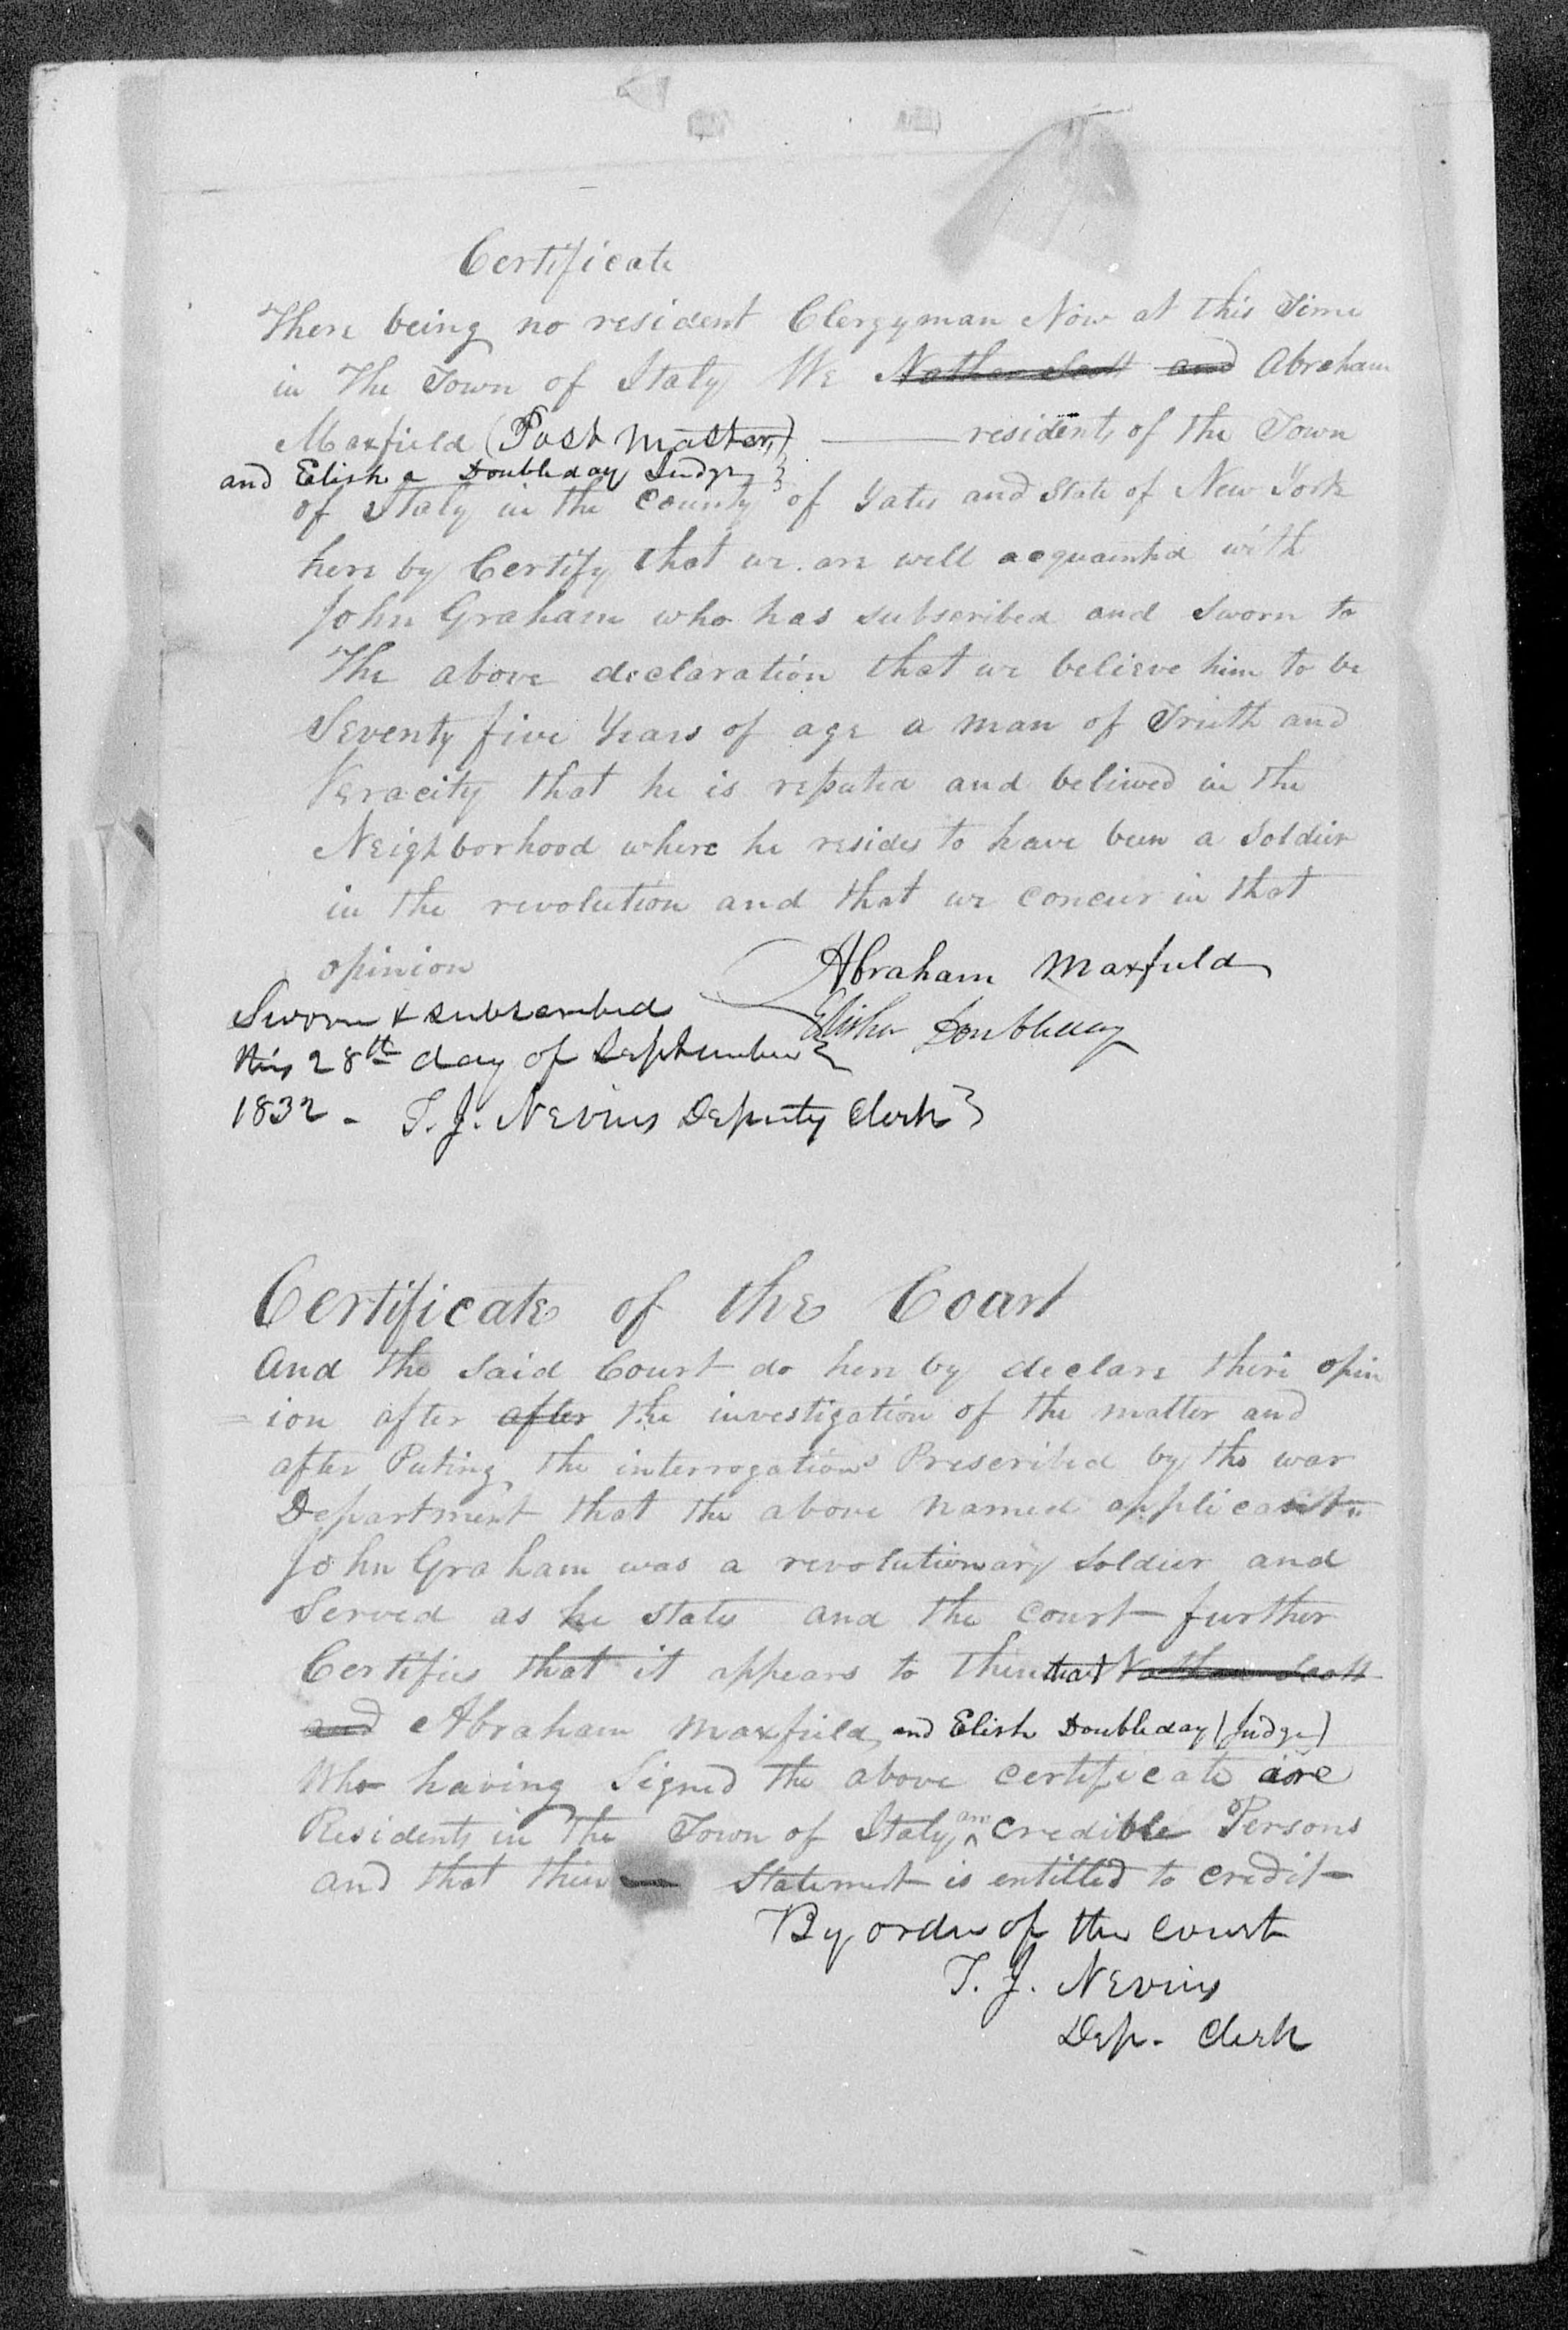Certificate
There being no resident Clergyman now at this time in the Town of Italy We Abraham Mansfield (Josh Mather) and Elisha Doubleday Judge ---residents of the Town of Italy in the County of Yates and State of New York herby Certify that we are well acquainted with John Graham who has subscribed and sworn to The above declaration that we believe him to be Seventy five years of age a man of Truth and Veracity that he is reputed and believed in the Neighborhood where he resides to have been a soldier in the revolution and that we concur in that opinion. 
Abraham Mansfield
Elisha Doubleday
Sworn and subscribed
This 28th day of September
1832 - T. J. Nevins Deputy Clerk

Certificate of the Court
And the said Court do hereby declare their opinion after the investigation of the matter and after puting(sp) the interrogation prescribed by the war Department that the above named applicant John Graham was a revolutionary soldier and served as he states and the court further Certifies that it appears to them that Abraham Mansfield and Elisha Doubleday (Judge) who having signed the above certificate are Residents in the Town of Italy are credible persons and that their statement is entitled to credit.
By order of the court
T.J. Nevins 
Dep. Clerk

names: Elisha Doubleday, Elish Doubleday, John Graham, John Graham, T J Nevius, Abraham Maxfield, Abraham Maxfield, Elisha Doubleday, T J Nevius, Abraham Maxfield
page: 14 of 28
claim: survivor's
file: S. 22799, John Graham, Mass